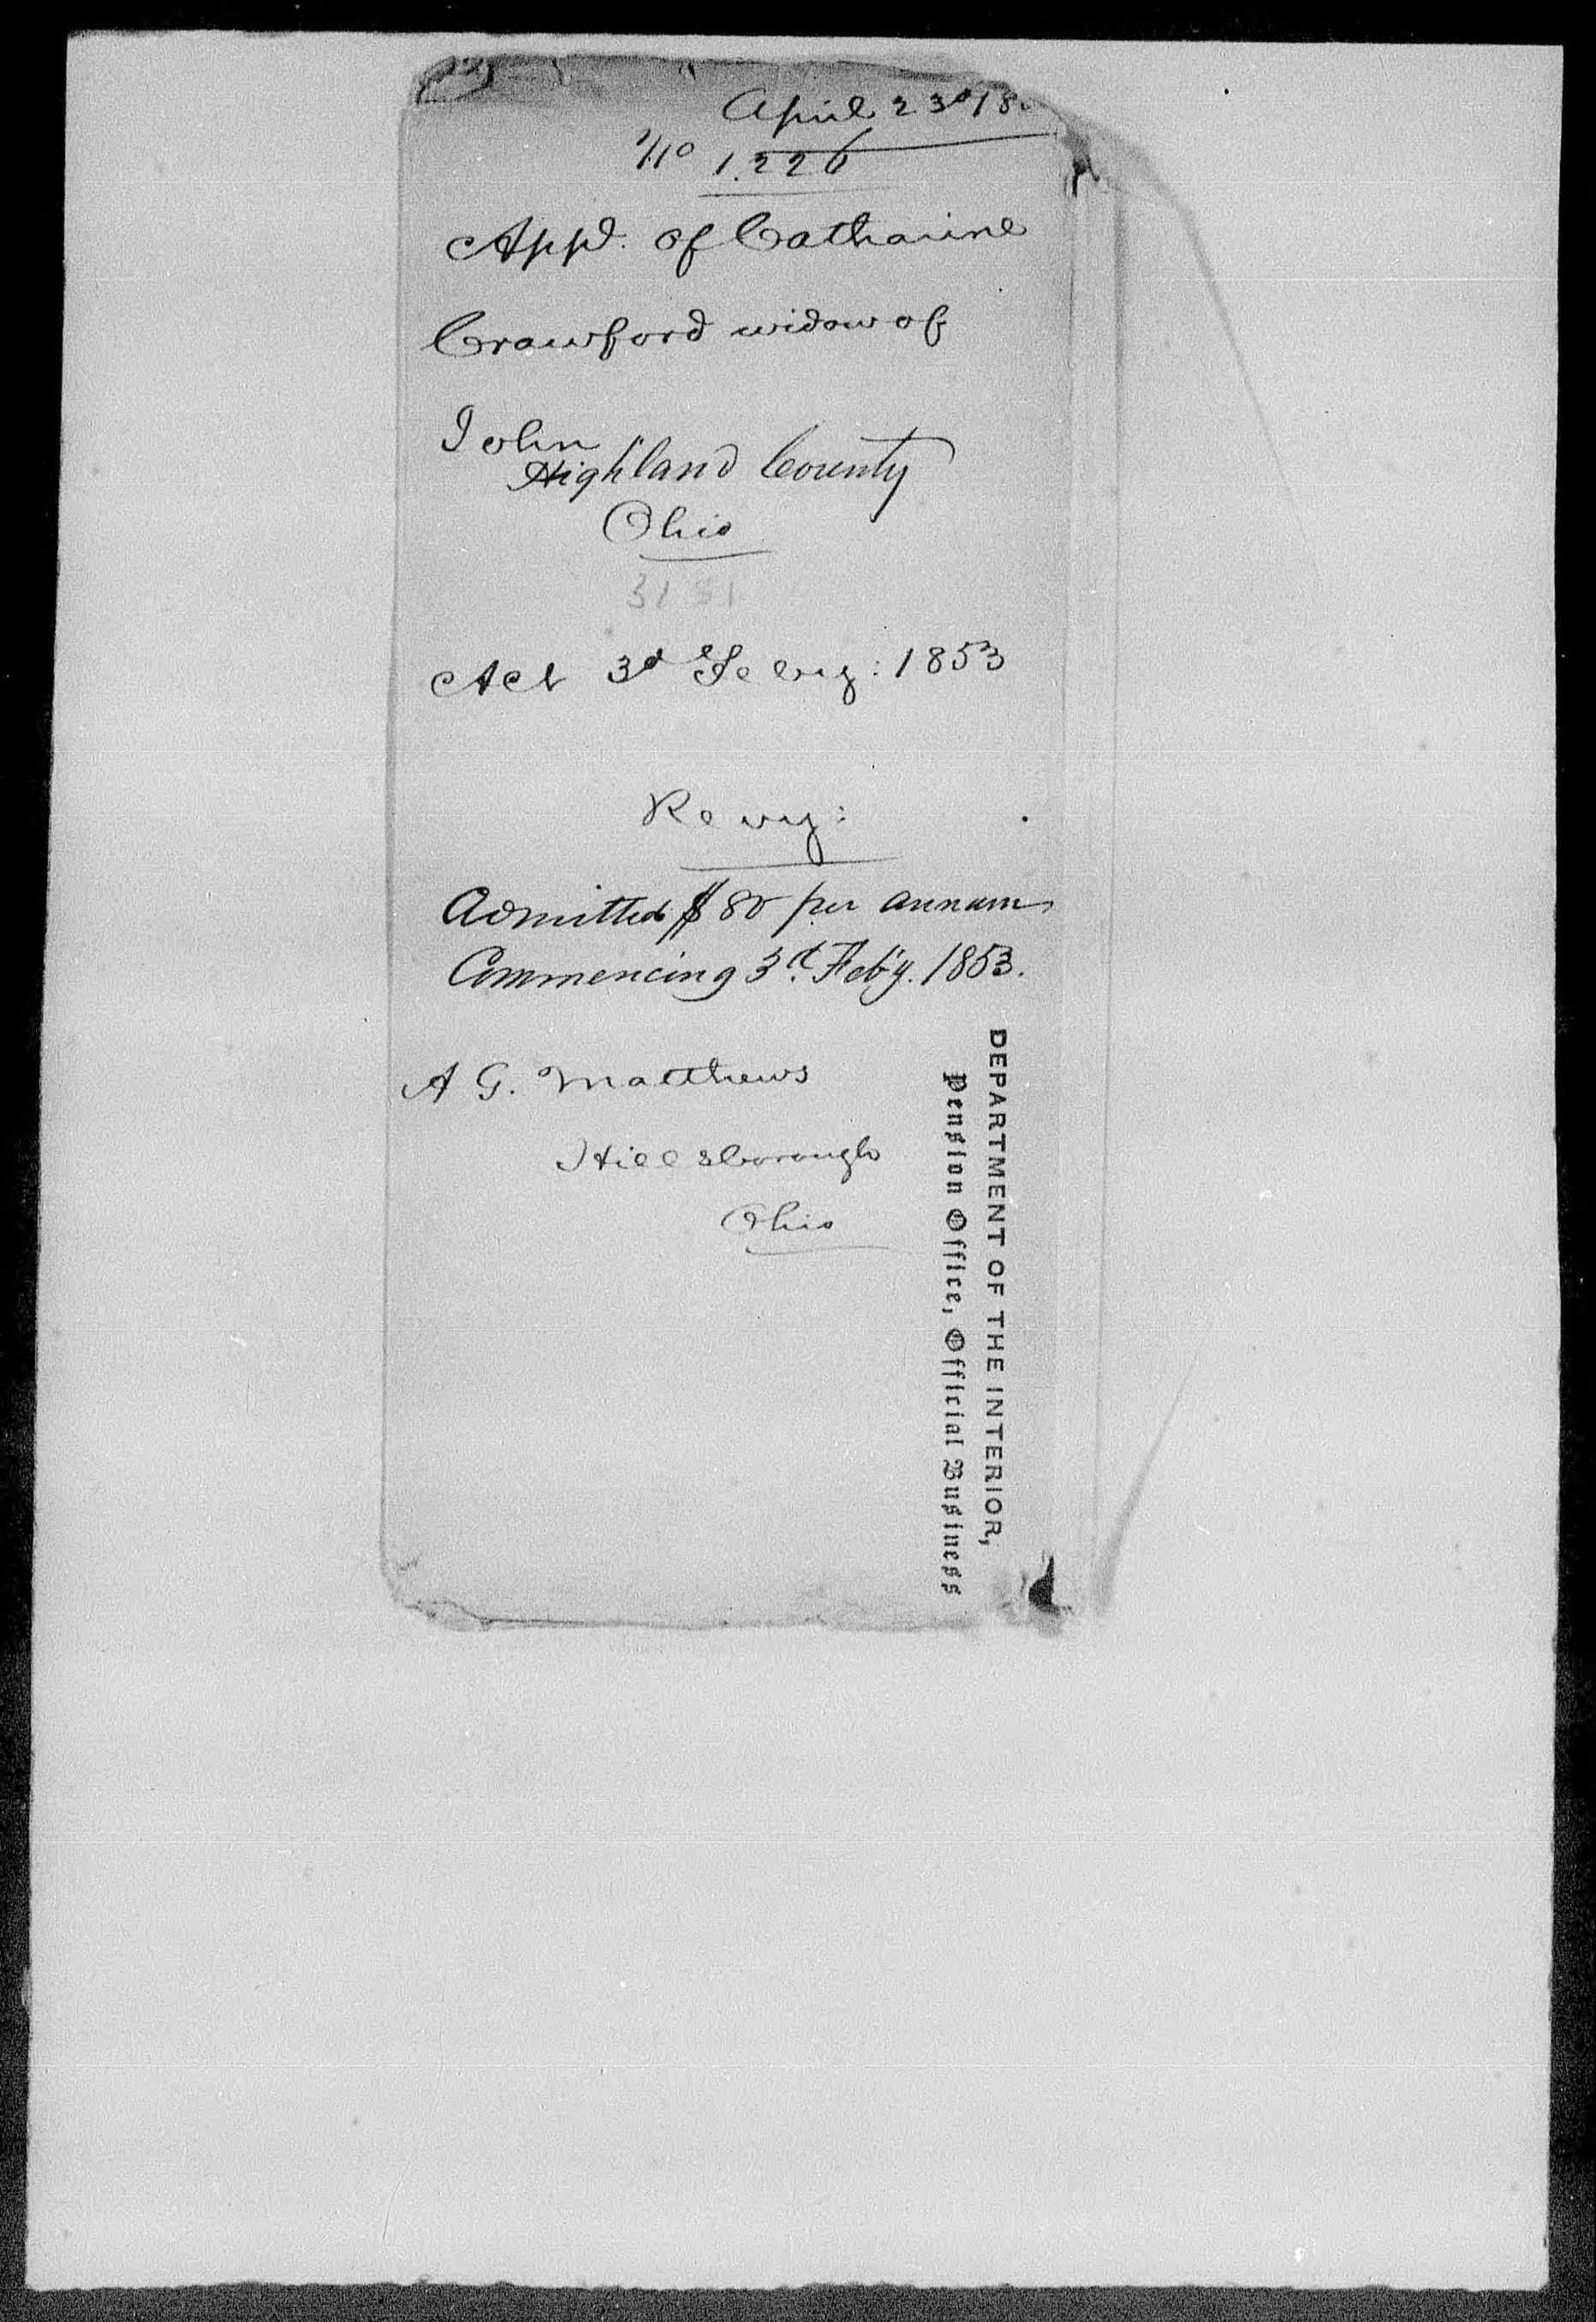Apr 23 18??
No. 1226
Appl of Catharine Crawford widow of John
Highland County
Ohio
3151
Act 3d Feby. 1853

Revy
Admitted $80 per annum Commencing 3d Feby 1853.

A.G. Matthews
Hillsborough
Ohio

DEPARTMENT OF THE INTERIOR,
Pension Office, Official Business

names: Catharine Crawford, A G Matthews, John Crawford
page: 61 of 80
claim: widow's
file: W 2070, John Crawford, Penn.